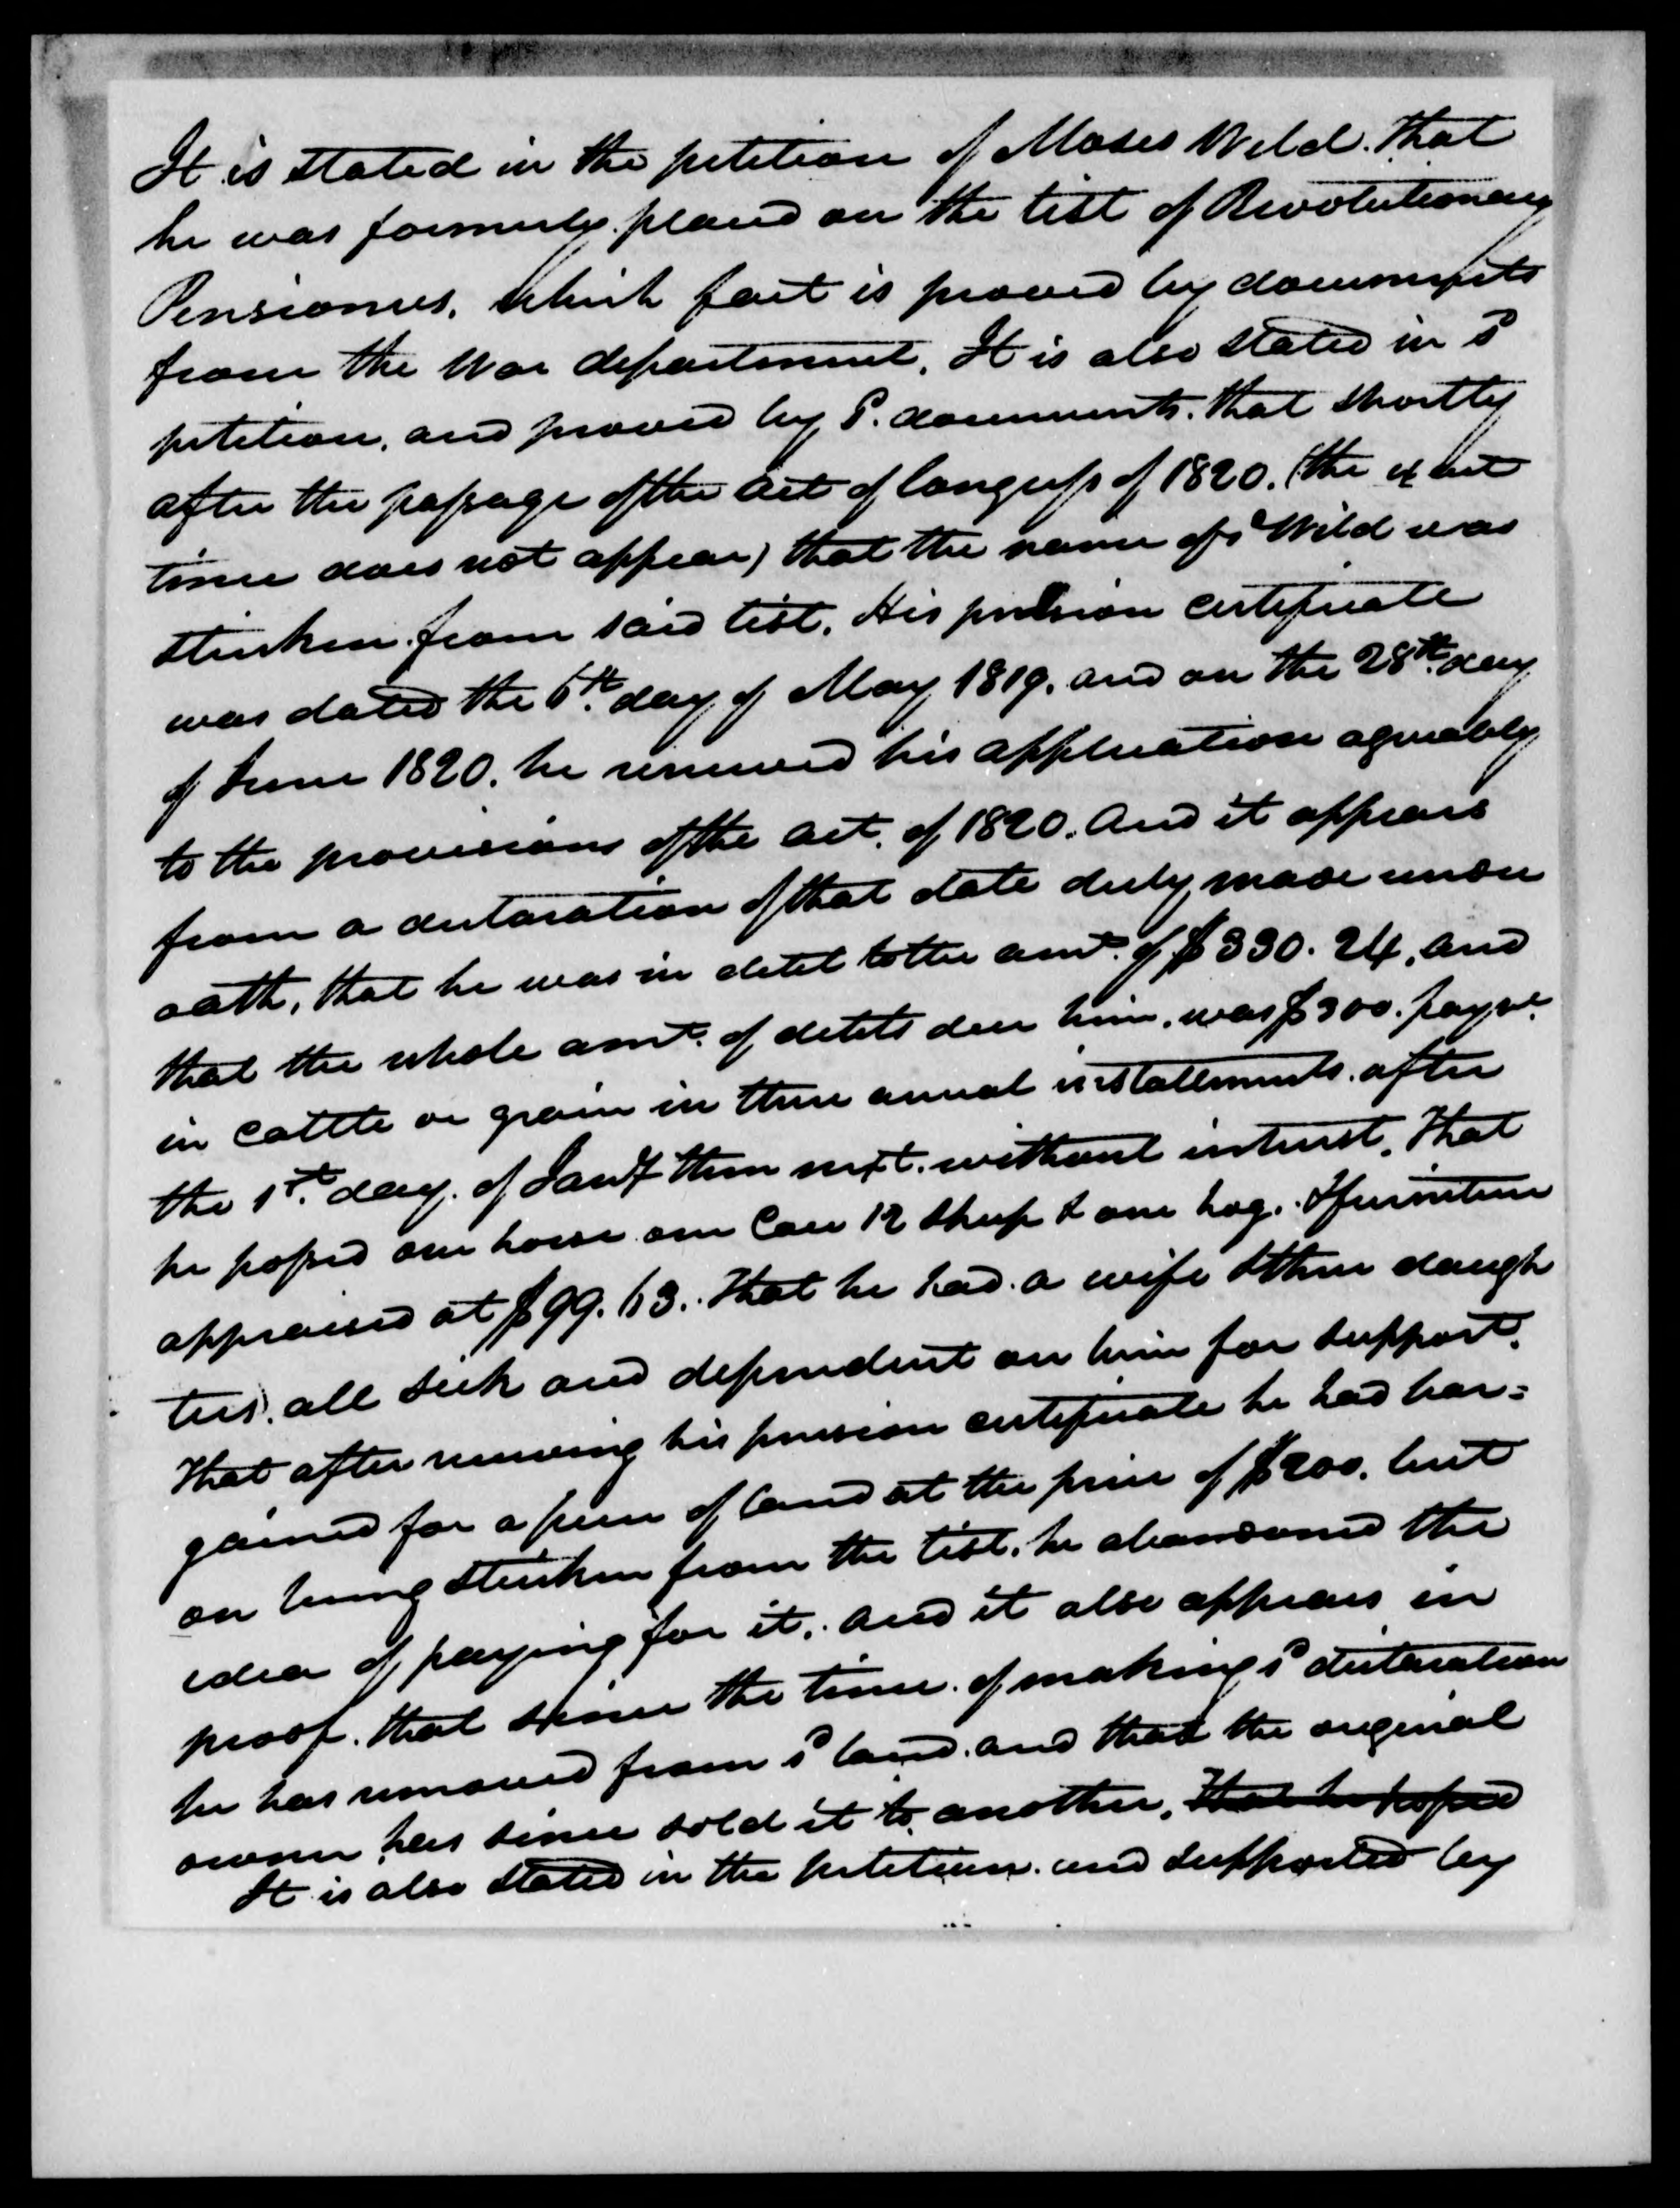It is stated in the petition of Moses Weld that he was formerly placed on the list of Revolutionary Pensioners, which fact is proved by documents from the war department. It is also stated in [sd = said?] petition and proved by said documents that shortly after the passage of the act of Congress of 1820. (the exact time does not appear) that the name of Weld was stricken from said list. His pension certificate was dated the 6th day of May 1819 and on the 28th day of June 1820 he renewed his application agreeably to the provisions of the act of 1820. And it appears from a declaration of that date duly made under oath, that he was in debt to the amt of $330.24, and
that the whole amt. of debts due him, was $300 payable? in cattle or grain in three annual installments after the 1st day of Jany then next without interest. That he [possessed abbreviated?] one horse, one cow,12 sheep & one hog.  Furniture appraised at $199.63. That he had a wife & three daughters, all sick and dependent on him for support.  That after receiving his pension certificate he had bargained for a piece of land at the price of $200. but on being stricken from the list he abandoned the idea of paying for it, and it also appears in proof that since the time of making said declaration, he has removed from said land and that the original owner has since sold it to another.  ["That he hoped" is crossed out]
It is also stated in the petition and supported by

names: Moses Weld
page: 63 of 87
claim: widow's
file: W. 25,966, Moses Weld, Mass.